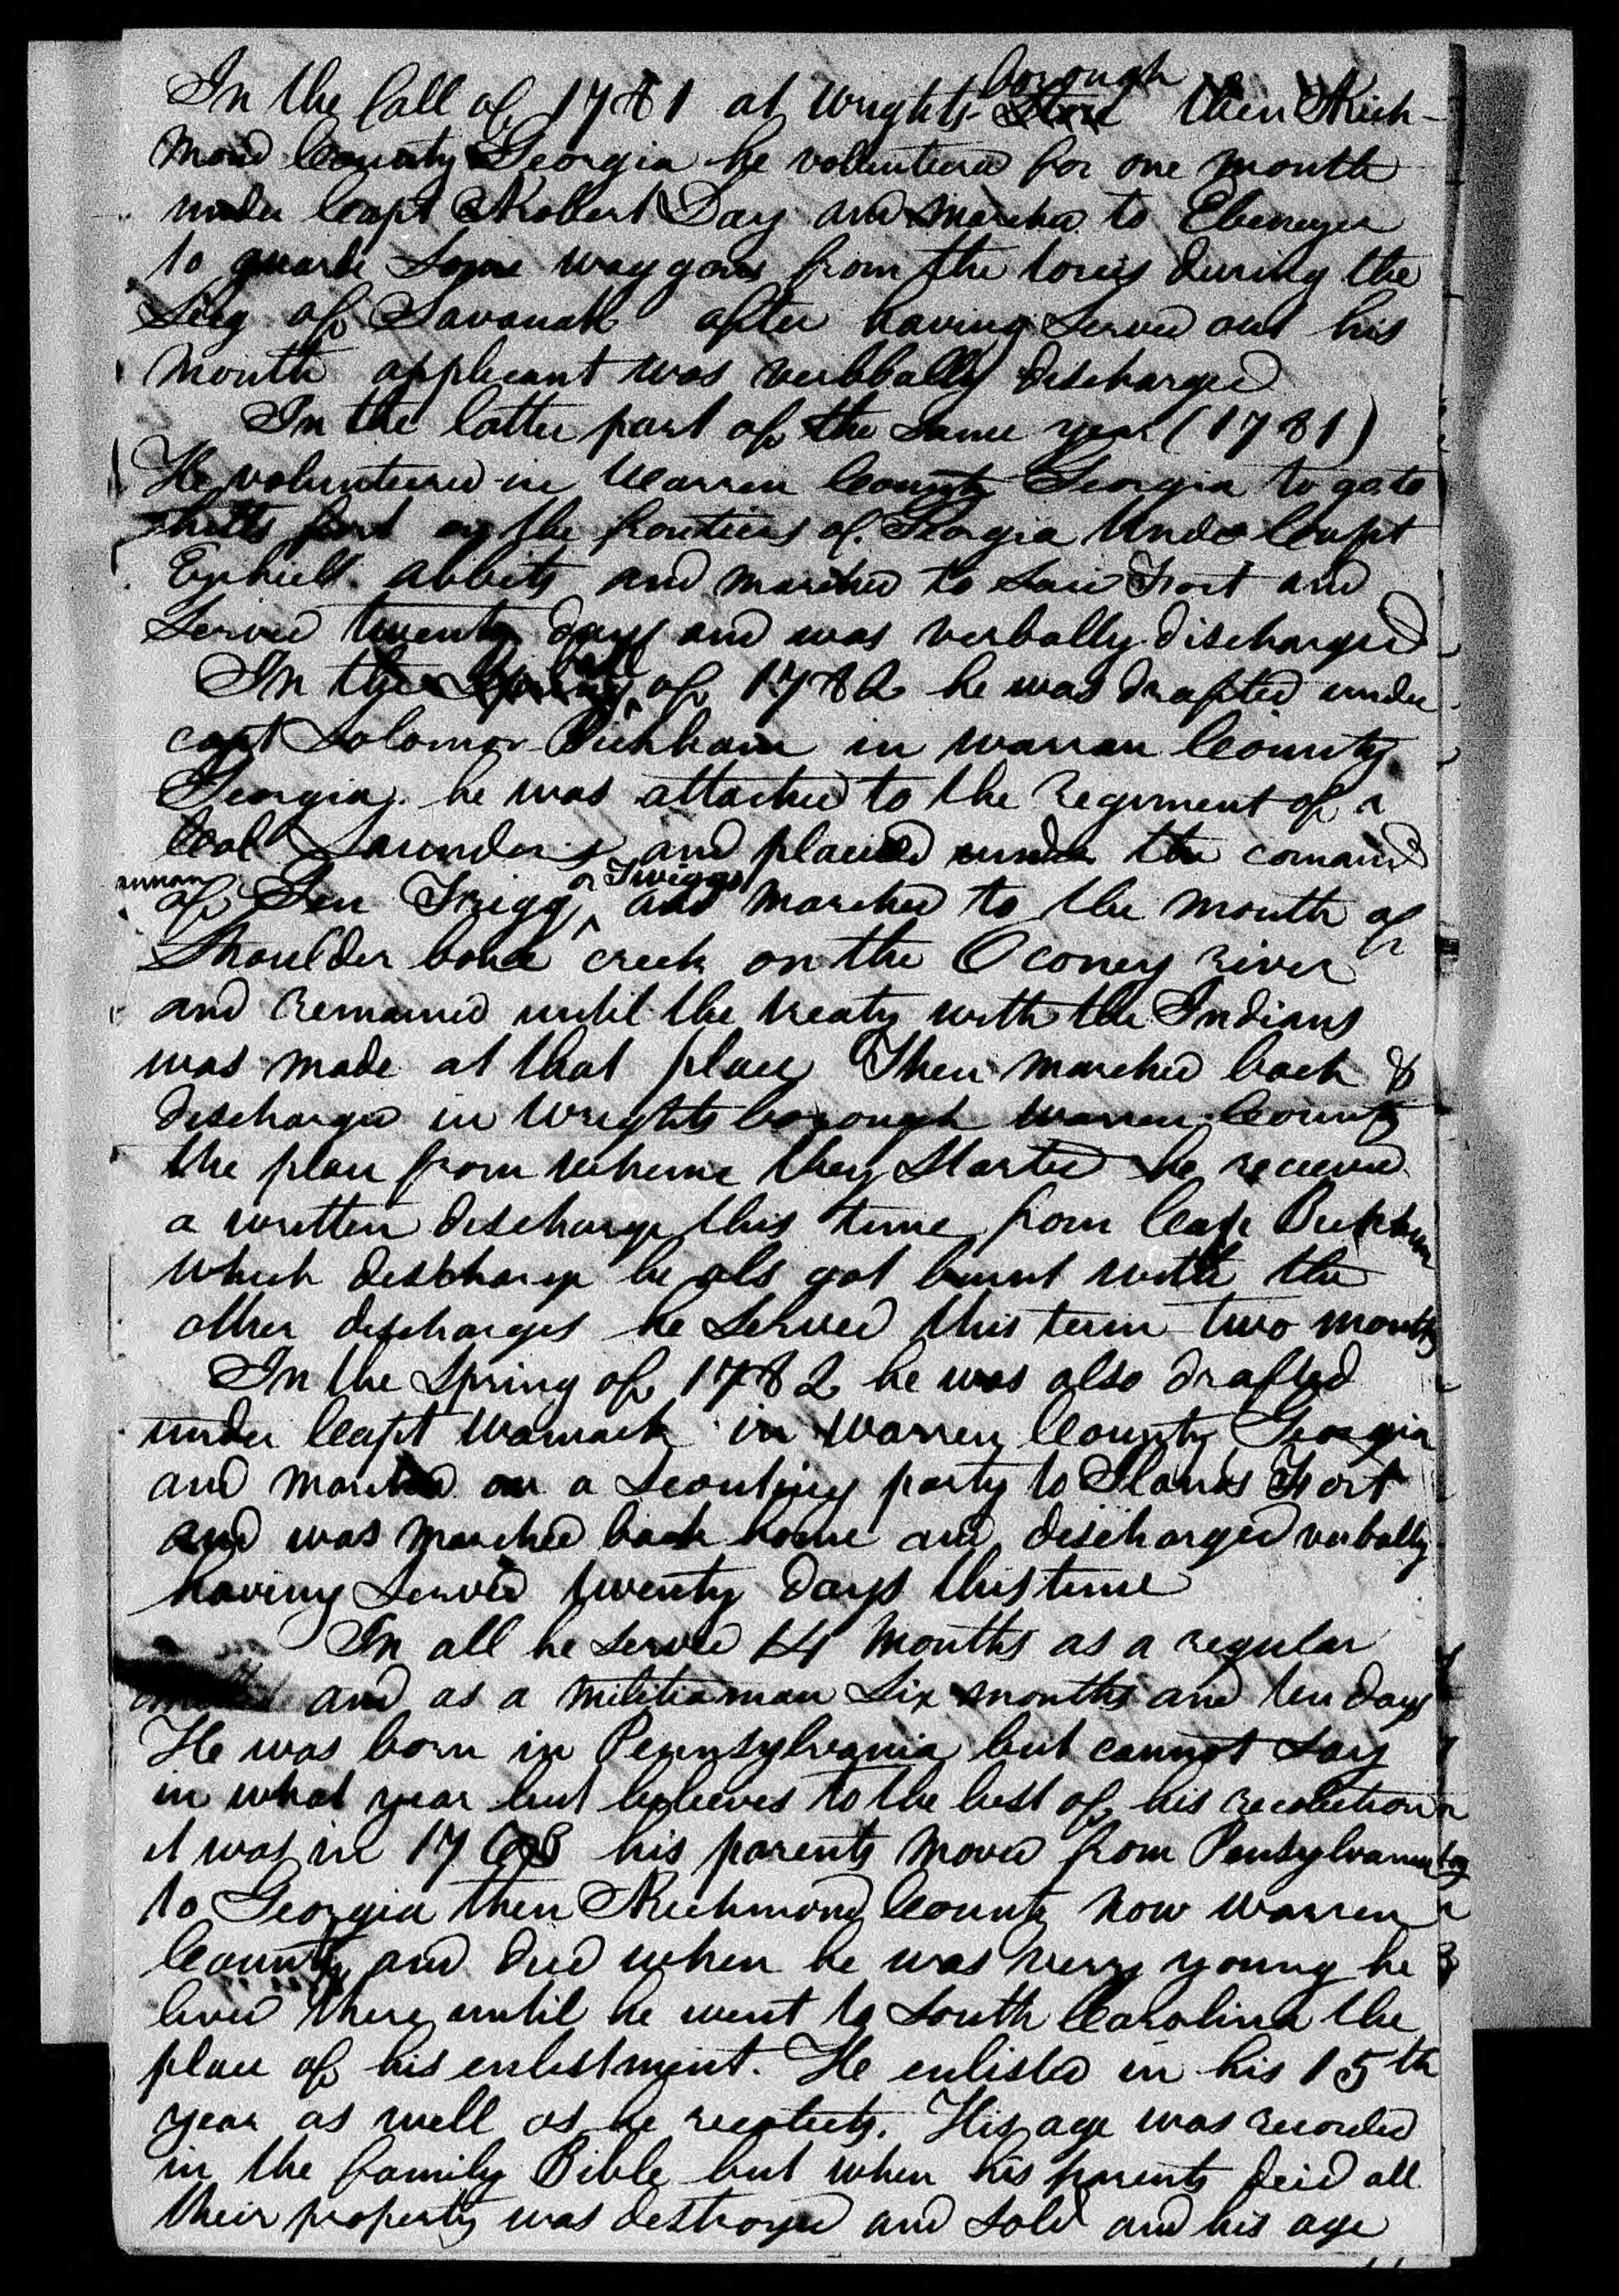In the fall of 1781 at Wrightsborough Richmond County Georgia he volunteered for one month
under Capt Robert Day and marched to Ebenezer to guard some wagons on from the Tories during the siege of Savannah after having served out his month applicant was verbally discharged

In the latter part of the same year (1781) He volunteered in Warren County Georgia to go to [illegible] fort on the frontiers of Georgia. Under Capt Ezekiel Abbott and marched to said Fort and served twenty days and was verbally discharged

In the Spring of 1782 he was drafted under Capt Solomon Wickham in Warren County Georgia he was attached to the Regiment of Col Saunders and placed with the command of Gen. Trigg or Twiggs and marched to the month of Shoulder Bone Creek on the Oconee River and remained until the treaty with the Indians was made at that place then marched back & discharged in Wrightsborough Warren County the place from where they started he received a written discharge this time from Capt. Burkhard which discharge be also got burnt with the other discharges he served this term two months.

In the Spring of 1782 he was also drafted under Capt Wamack in Warren County Georgia and marched on a scouting party to Alan's Fort and was marched back home and discharged verbally
having served twenty days this time

In all he served 14 months as a regular and as a militiaman Six months and ten days

He was born in Pennsylvania but cannot say in what year but believes to the best of his recollection
it was in 1763 his parents moved from Pennsylvania to Georgia then Richmond County now Warren
County and and when he was very young he lived there until he went to South Carolina the place of his enlistment. He enlisted in his 15th year as well as he recollects. His age was recorded in the family Bible but when his parents died all their property was destroyed and sold and his age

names: [BLANK] Trigg; [BLANK] Saunders; Ebenezer [BLANK]; Ezekiell Abbits; [BLANK] Twiggs; Solomon Bickham; [BLANK] Womack; [BLANK] Bickhum; Robert Day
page: 41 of 115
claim: widow's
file: W. 1446, for John Mc Clung, South Carolina